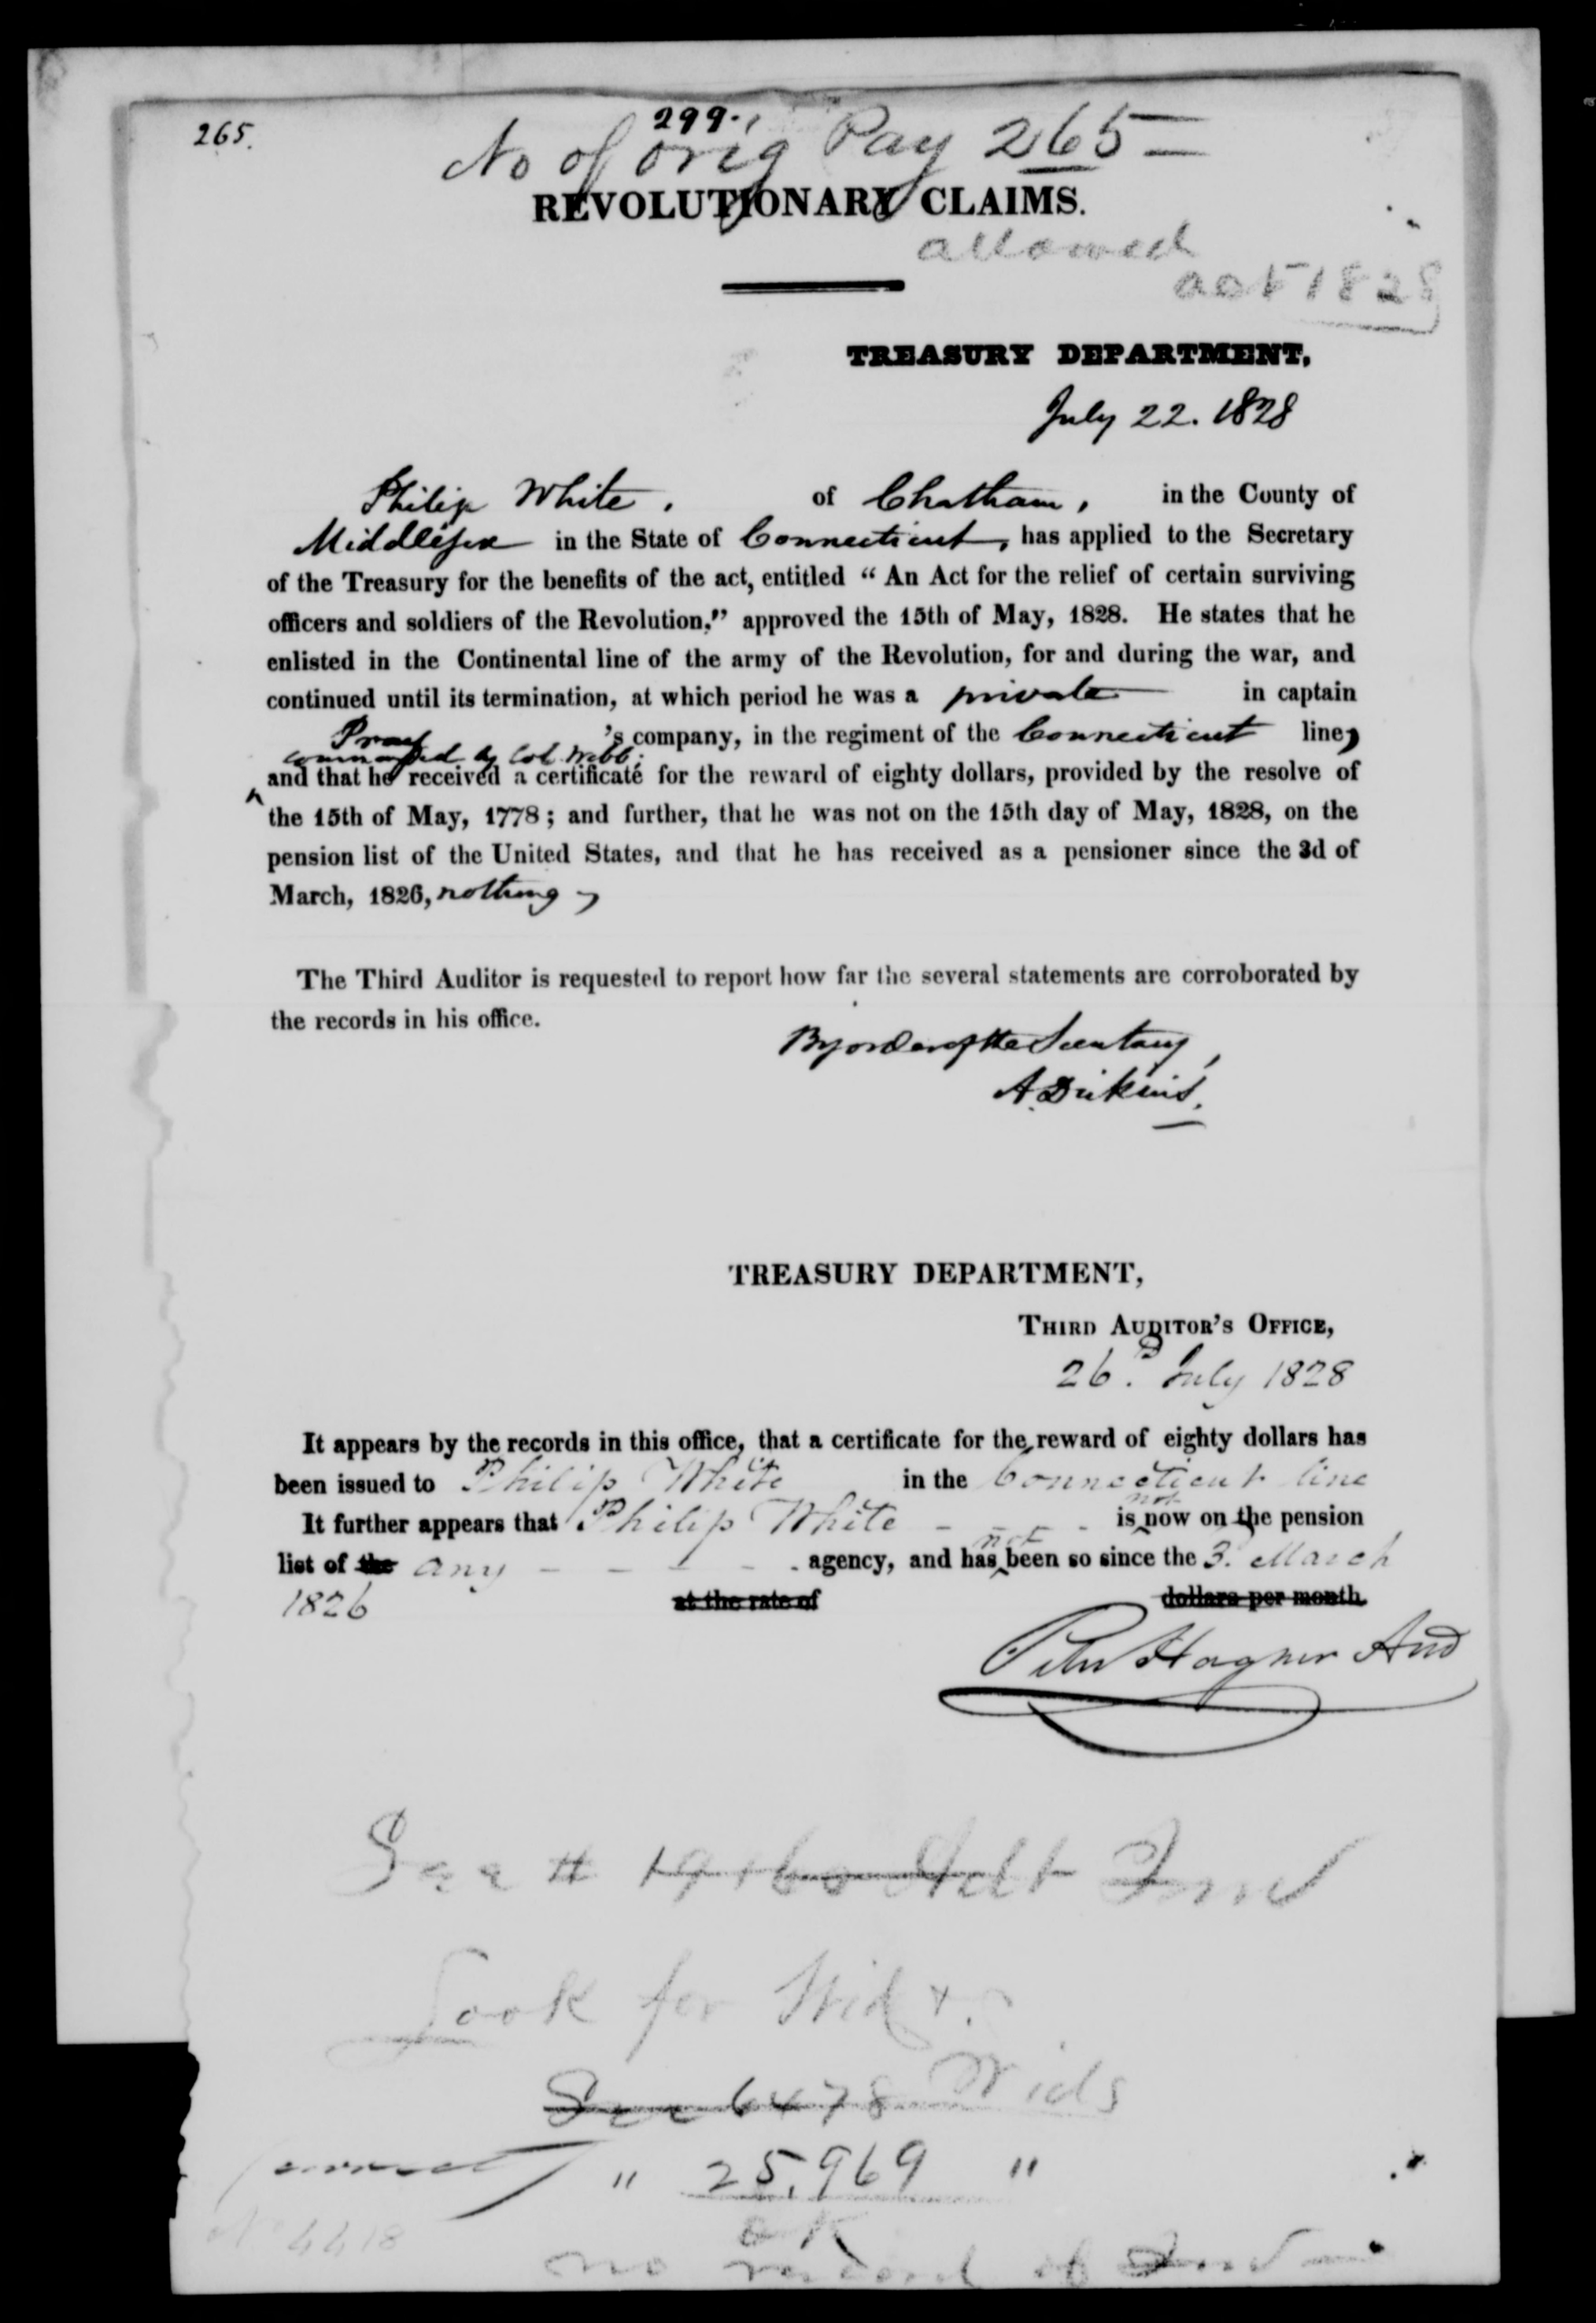265.                   299
No of orig Pay 265-
REVOLUTIONARY CLAIMS.
allowed
act 1828

TREASURY DEPARTMENT.
July 22. 1828

Philip White, of Chatham, in the County of
Middlesex in the State of Connecticut has applied to the Secretary
of the Treasury for the benefits of the act, entitled ""An Act for the relief of certain surviving
officers and soldiers of the Revolution," approved the 15th of May, 1828. He states that he
enlisted in the Continental line of the army of the Revolution, for and during the war, and
continued until its termination, at which period he was a private in captain
Peay, company, in the regiment of the Connecticut line,
commanded by Col Webb:
and that he received a certificate for the reward of eighty dollars, provided by the resolve of
the 15th of May, 1778; and further, that he was not on the 15th day of May, 1828, on the
pension list of the United States, and that he has received as a pensioner since the 3d of
March, 1826, nothing

The Third Auditor is requested to report how far the several statements are corroborated by
the records in his office.
By order of the Secretary
A. Dickins,

TREASURY DEPARTMENT.
THIRD AUDITOR'S OFFICE,
26th July 1828

It appears by the records in this office, that a certificate for the reward of eighty dollars has
been issued to Philip White in the Connecticut line
It further appears that Philip White is now on the pension
list of [crossed out: the] agency, and has [inserted:] not been so since the 3 March
1826 [crossed out: at the rate of dollars per month.]
name
Peter Hagner And

See # [crossed out: 19160 Adt Inv]
Look for Wid &
[Crossed out: Sec 6478 Wids]
[Illegible]  .. 25.969 ..
OK
at 4418 
no record of Inv__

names: A Dickins, Philip White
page: 48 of 50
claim: widow's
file: W. 25,969, Philip White, Conn.